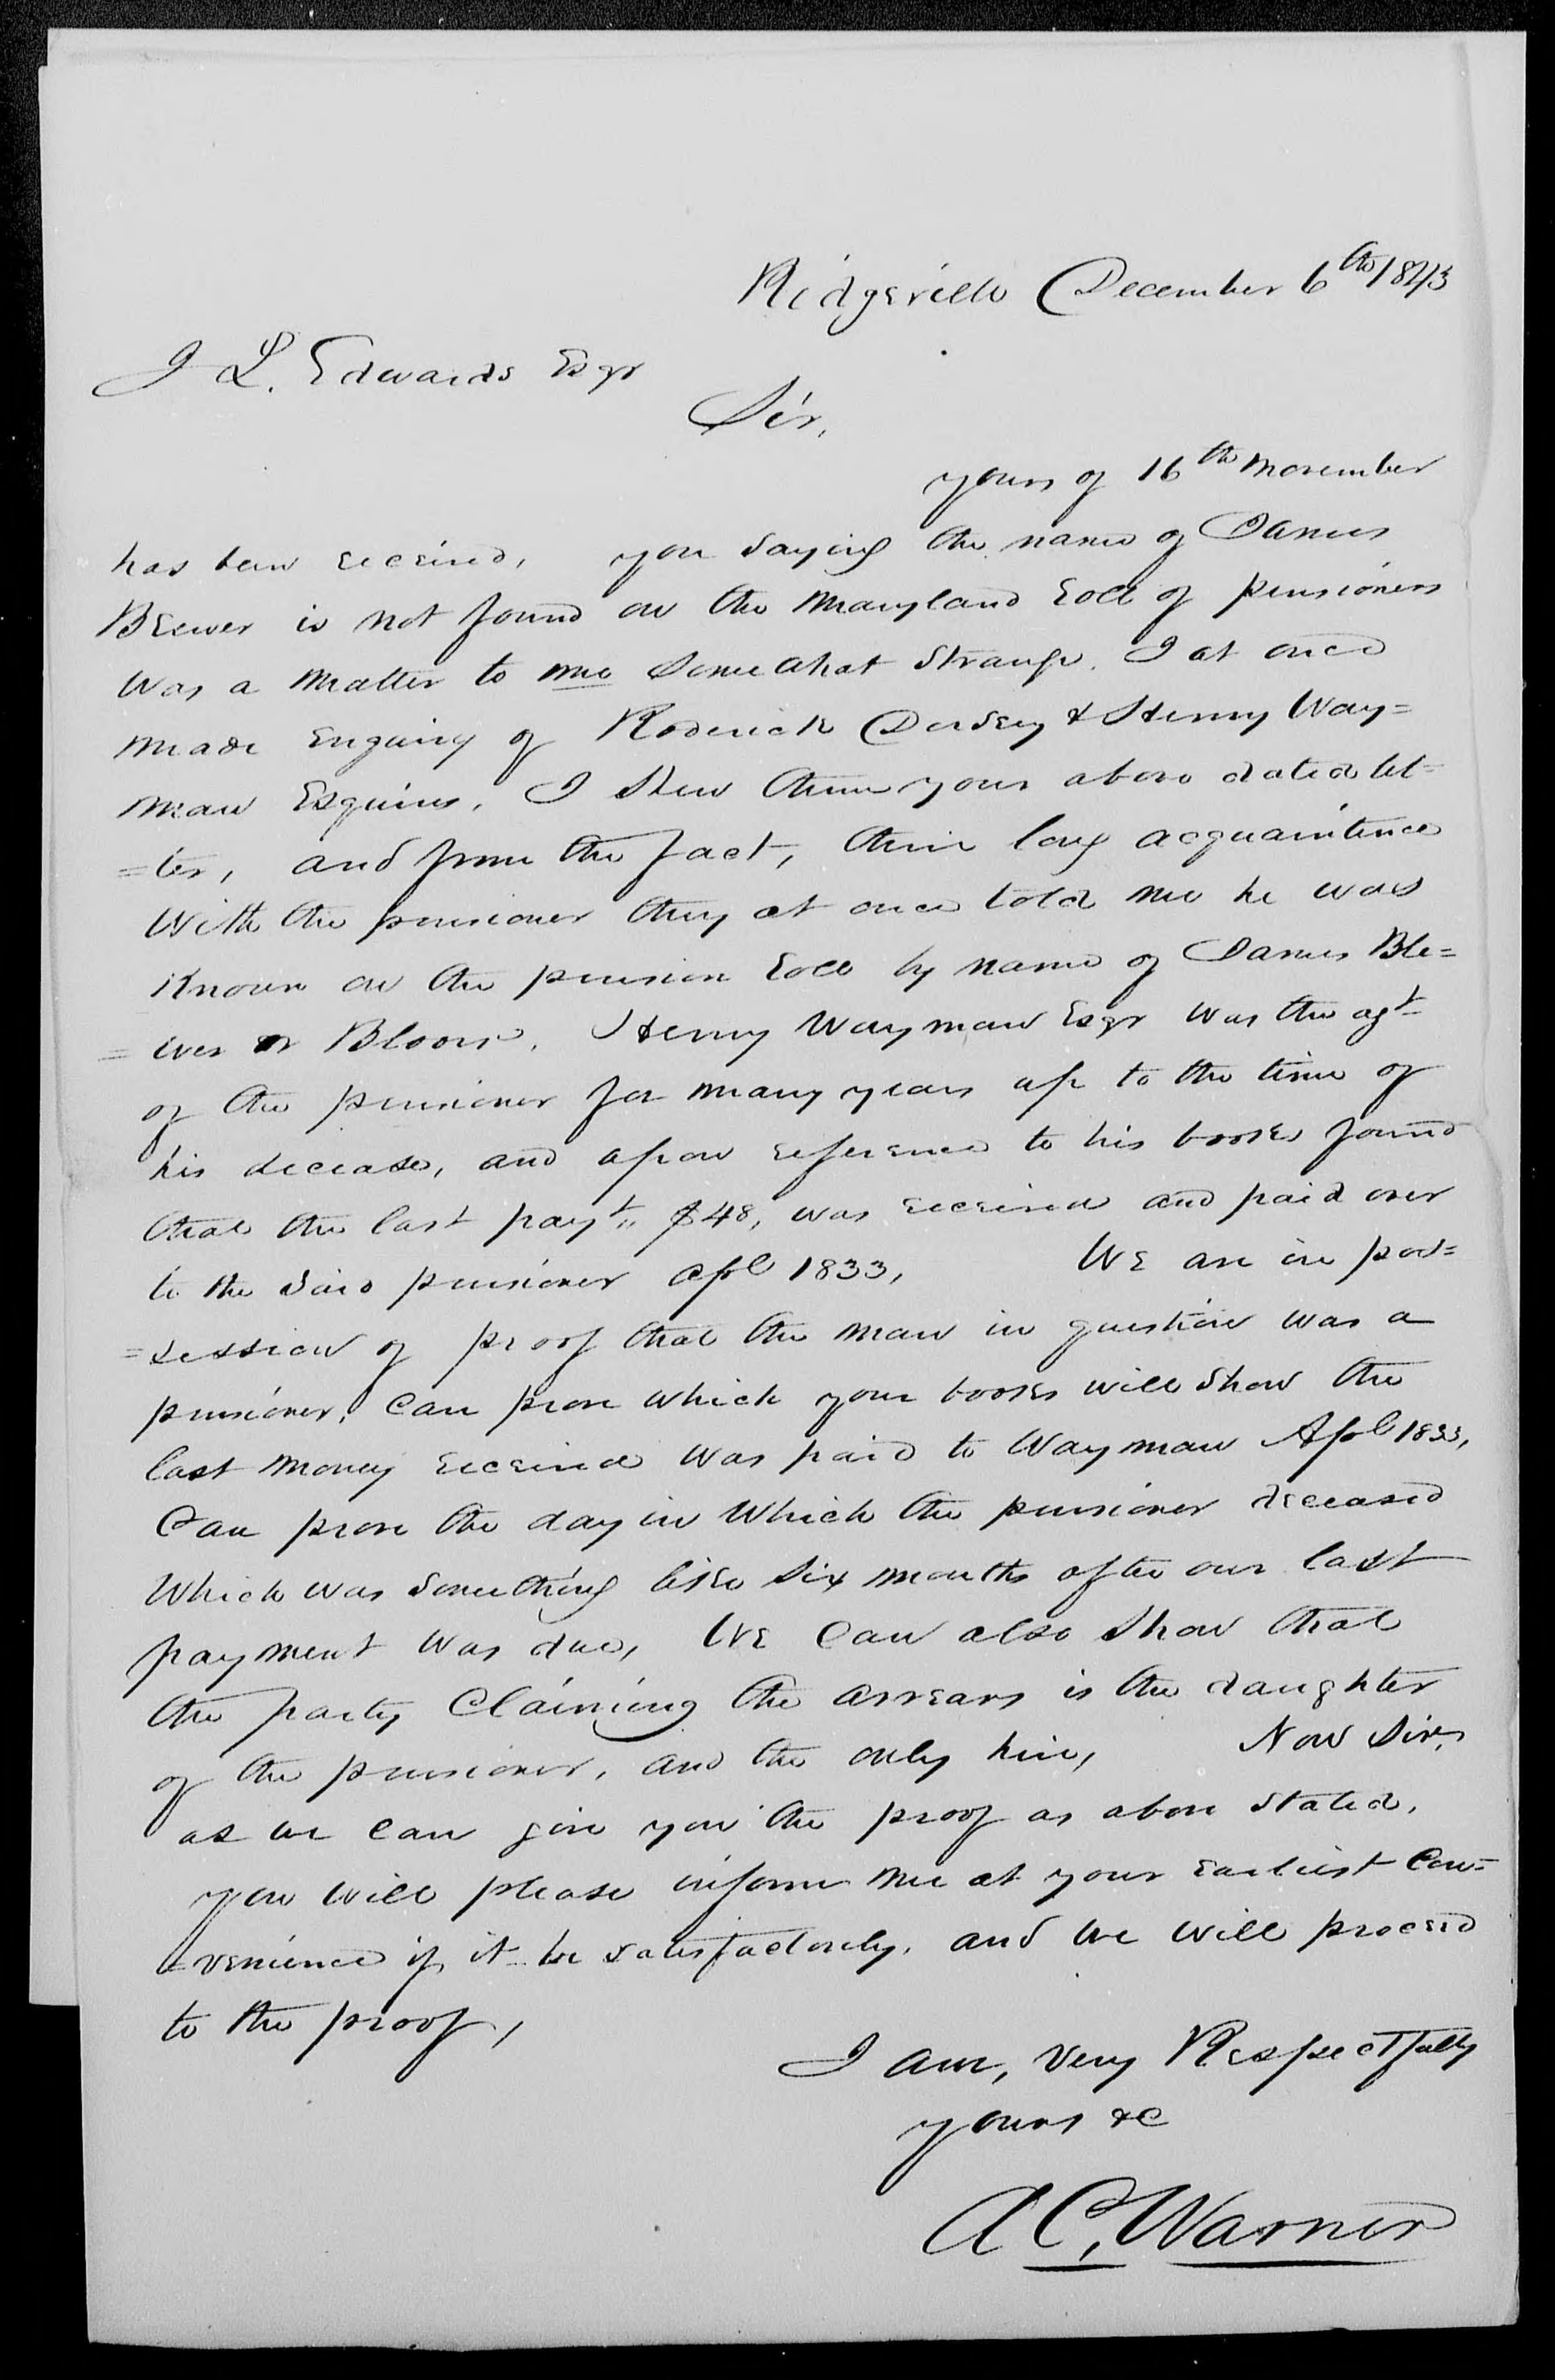Ridgeville, December 6th 1843

J.L. Edwards Esq

Sir

Yours of 16th November has been received you saying the name of James Blewer is not found on the Maryland roll of pensioners was a matter to me somewhat strange. I at once made inquiry of Roderick Dorsey & Henry Wayman Esquires. I show them your above dated letter and from the fact their long acquaintance with the pensioner they at once told me he was known on the pension roll by name of James Blever or Blovin. Henry Wayman Esq was then Agent of the pensioner for many years up to the time of his decease and upon reference to his books found that the last payment $48 was received and paid over to the said pensioner Apr 1833. We are in possession of proof that this man in question was a pensioner, can prove which your books will show the last money received was paid to Wayman Apr 1833. Can prove the day in which the pensioner deceased which was something like six months after our last payment was due. We can also show that the party claiming the arrears is the daughter of the pensioner and the only heir. Now sir as we can give you the proof as above stated, you will please inform me at your earliest convenience if it be satisfactory and we will proceed to the proof.

I am very respectfully
Your
A.C. Warner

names: James Blewer, James Blovin, Henry Wayman, James Blewer, Roderick Dersey, Henry Wayman, A C Warner, J L Edwards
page: 30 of 30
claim: survivor's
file: S. 10093, James Blewer, Md.